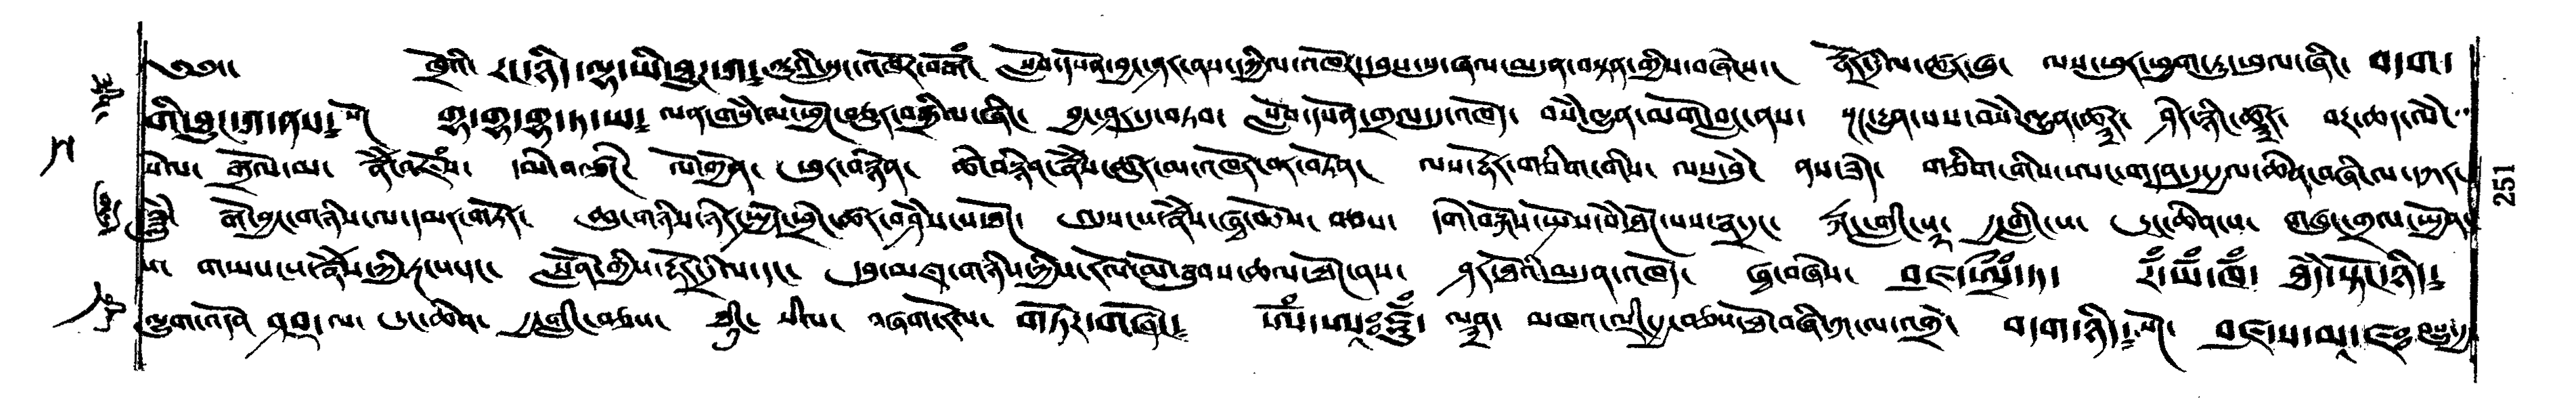ཁྲོའི། རང་ཉིད་ལྷ་ཡི་ཐུགས་ཀ༴ ལྟ་བུས་སྲུང་འཁོར་བསྒོམ། སློབ་དཔོན་བྱང་ཤར་ནས་དཀྱིལ་འཁོར་དབུས་སུ་ཞལ་མདུན་བསྟན་གྱིས་བཞེངས། རྡོར་དྲིལ་ཚུར་ཞུ། ལས་ཕུར་ཕྱག་ཏུ་ཕུལ་ཞིང་། བདག་
གི་ཐུགས་ཀ་ནས༴ སོགས། གྷ་གྷ་གྷ་ཏ་ཡ༴ ལན་གསུམ་ལ་ཕྱོགས་བཅུར་བསྒྲིལ་ཞིང་བྱང་ཤར་དུ་གདབ། སློབ་དཔོན་གྲལ་དུ་འཁོད། བསམ་ལྷུན་མགོ་བླངས་ནས་སྔགས་རྒྱུན་པས་བསམ་ལྷུན་ཚར་གསུམ། ཤེར་སྙིང་ཚར་གསུམ། བར་ཆད་ལམ་
སེལ། སྒྲོལ་མ། རྣམ་འཛོམས། དམེ་བརྩེགས། ལོ་གྱོན། ཕུར་སྙེན། ཚེ་སྙེན། རྣམས་ཚུར་མ་འཁོར་བར་འདོན། ལས་རྡོར་གཅིག་གིས་ལས་བུམ། ནས་བཟེད། གཅིག་གིས་ཨང་གདན་དུ་རྒྱལ་ཆེན་བཞི་ལ་དཀར་
ཟླུམ། སྒོ་བྱང་གཉིས་ལ་དམར་གཏོར། ཆུ་གཉིས་ཉེར་སྤྱོད་ཕྲེང་ཚར་བཤམས་པ་ཐོགས། འདུས་པ་རྣམས་ཞྭ་ཆོས་བཅས། དགེ་བསྐོས་སྤོས་བམ་ཐོགས་པས་སྣ་དྲང་། རྐང་གླིང་པ་གཉིས། རྒྱ་གླིང་པ། དུང་ཆེན་པ། གཞུང་གྲལ། གཡས་གཡོན་
གཡས་ངས་རྣམས་དང་། སློབ་དཔོན་གྱི་རྡོར་དྲིལ་དང་དབུ་མཛད་གཉིས་ཀྱིས་རོལ་མོས་སྦུབ་ཆལ་ཐོགས་ནས། ཤར་ཐོའི་མདུན་འཁོད། ཞྭ་བཞེས། བཛྲ་ཨ་མྲྀ་ཏ༴ རྃ་ཡ་ྃཁྃ། ཐམས་ཅད་སྟོང་ཉིད༴ 
ལྷུག་འདོན། ཤབྡ་ལ་དུང་ཆེན། རྒྱ་གླིང་བཅས། ཐིང་གཅིག ཟིལ། བཞག་རོལ། གཏོར་གཞོང༴ ཨོཾ་ཨཱཿཧཱུྃ། ལན་གསུམ། མཁའ་ལྡིང་རྒྱ་བཅས་ཐོ་བཞི་ཀ་ལ་འགྲོ། བདག་ཉིད༴ སོགས། བཛྲ་ས་མཱ་ཛཿ བསྡུ་རྒྱ།